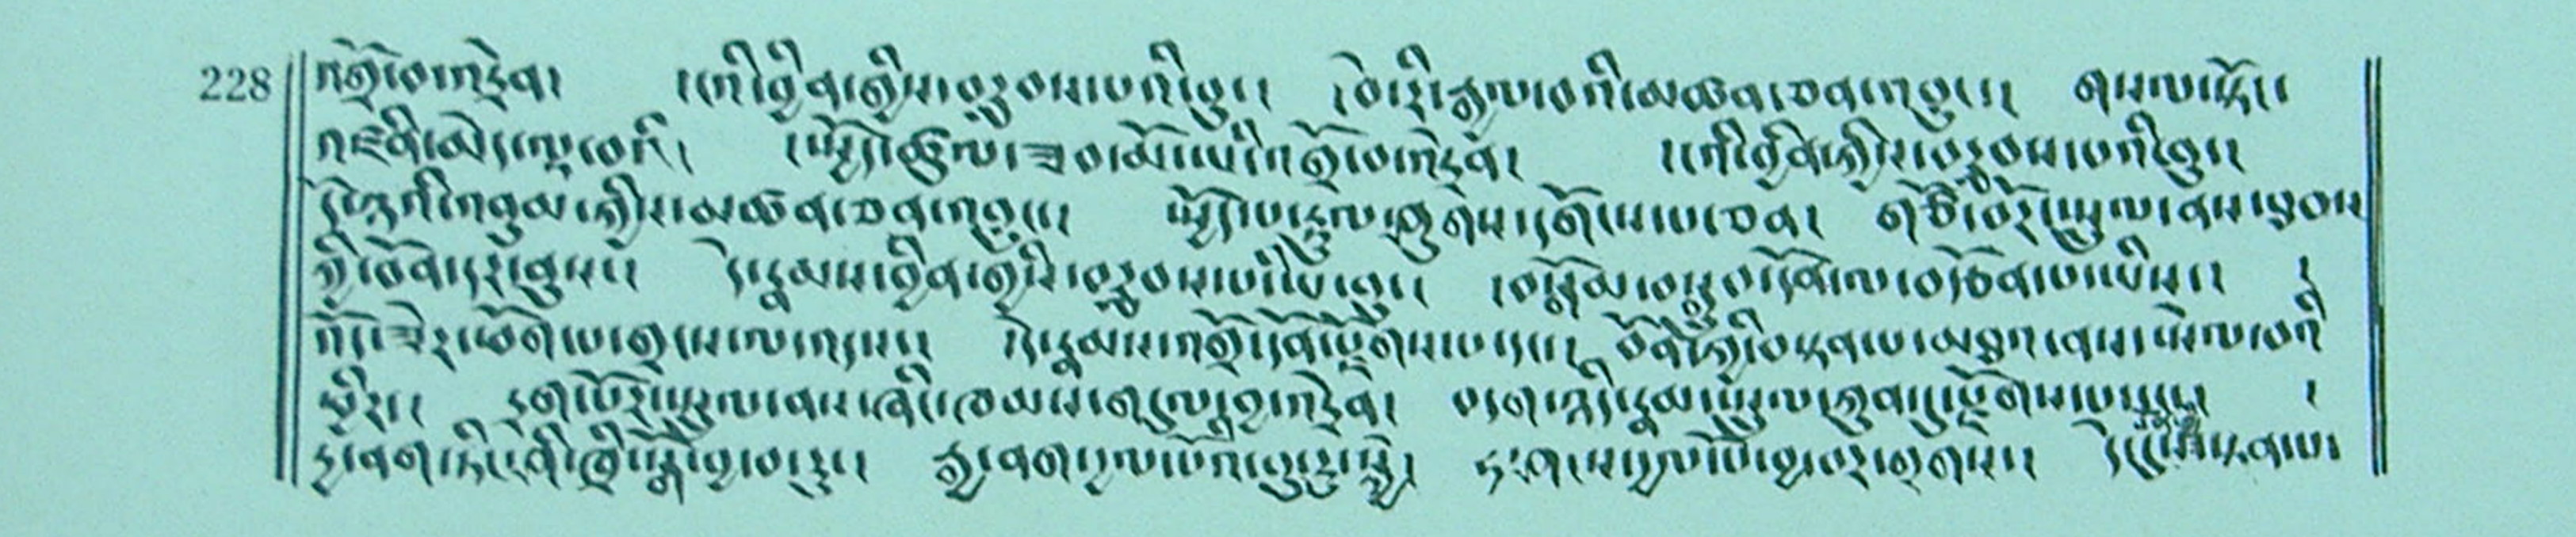༄༅། །འགྲོ་བ་འདྲེན། ང་ཡིས་བྱིན་གྱིས་རླབས་པའི་བུ། བེ་རི་རྒྱལ་བའི་མཚན་ཅན་འབྱུང་། གསལ་སྟོང་
གཉིས་མེད་ལྟ་བའི། སྤྱོད་ཚུལ་ཟབ་མོ་ཡི་འགྲོ་བ་འདྲེན། ངའི་བྱིན་གྱིས་རླབས་པའི་བུ། 
དོ་ཉའི་འབུམ་གྱི་མཚན་ཅན་འབྱུང་། སྤྱོད་པ་རྟུལ་ཤུགས་དགོངས་པ་ཅན། གཙོ་བོར་སྤྲུལ་ནས་ཐབས་
ཀྱི་བོན་དར་ནུས། དེ་རྣམས་བྱིན་གྱིས་རླབས་པ་ཡི་བུ། བསྒོམ་སྒྲུབ་དོན་ལ་བརྩོན་པ་ཡིས། 
འོད་ཟེར་ཕོག་པ་གྲངས་ལས་འདས། དེ་རྣམས་འགྲོ་དོན་རྫོགས་པ་དང་། བོན་གྱི་བསྟན་པ་མཐའ་ནས་སྤེལ་བའི་
ཕྱིར། དྲག་པོར་སྤྲུལ་ནས་ཞིང་ཁམས་གདུལ་བྱ་འདྲེན། བདག་ཉིད་རྣམ་སྤྲུལ་ཀུན་ཏུ་རྫོགས་པ་དང་། 
རྒྱ་ནག་ཏིང་ཤི་ཁྲི་སྒོ་བྱ་བ་རུ། རྒྱ་ནག་རྒྱལ་བོའི་བུ་རུ་སྐྱེས། ཧ་ཤང་རྒྱལ་བོ་བྱ་བར་གྲགས། དེ་དུས་བོན་གྱི་བསྟན་པ་